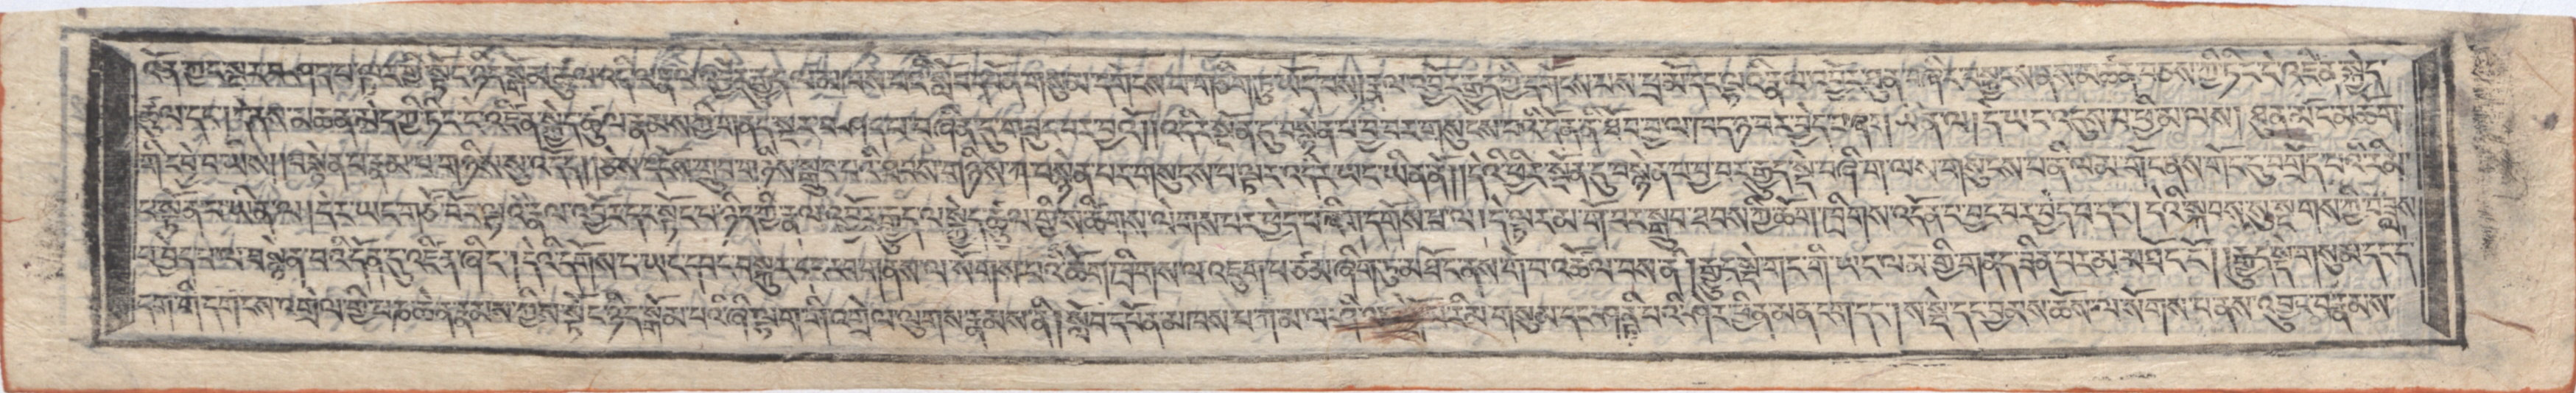འོན་ཀྱང་སྦྱར་བཤད་པ་ལྟར་གྱི་སྟོང་ཉིད་སྒོམ་ཚུལ་འདི་ལ་རྣལ་འབྱོར་རྒྱུད་ལ་མཁས་པའི་སློབ་དཔོན་གསུམ་དགོངས་པ་གཅིག་ཏུ་ཡོད་པས། རྣལ་འབྱོར་རྒྱུད་ཀྱི་དགོངས་པས་ཕྲ་མོ་དང་ལྷའི་རྣལ་འབྱོར་ཐུན་བཞིར་བསྐྱངས་ནས་མཚན་བཅས་ཀྱི་ཏིང་ངེ་འཛིན་སྐྱེད་
ཚུལ་དང་། དེ་ནས་མཚན་མེད་ཀྱི་ཏིང་ངེ་འཛིན་སྐྱེད་ཚུལ་རྣམས་ཀྱི་གནད་སྔར་བཤད་པ་བཞིན་དུ་གཟུང་བར་བྱའོ། །འདིར་སྔོན་དུ་བསྙེན་པ་བྱ་བར་གསུངས་པའི་དོན་ནི་ཐོབ་བྱ་ལ་ཁད་ཉེ་བར་བྱེད་པ་ཞིག་ཡིན་ལ། དེ་ཡང་འདུས་པ་ཕྱི་མ་ལས། ཐུན་མོང་མཆོག་
གི་དབྱེ་བ་ཡིས། །བསྙེན་པ་རྣམ་པ་གཉིས་སུ་འདོད། །ཅེས་དངོས་གྲུབ་གཉིས་སྒྲུབ་པའི་ཐབས་གཉིས་ཀ་བསྙེན་པར་གསུངས་པ་ལྟར་འདིར་ཡང་ཡིན་ནོ། །དེའི་ཕྱིར་སྔོན་དུ་བསྙེན་པ་བྱ་བར་རྒྱུད་སྡེ་བཞི་ག་ལས་གསུངས་པ་ནི་ལམ་གོང་ནས་གོང་དུ་བགྲོད་པའི་རིམ་
པ་སྟོན་པ་ཡིན་ལ། དེར་ཡང་གཙོ་བོར་ལྷའི་རྣལ་འབྱོར་དང་སྟོང་པ་ཉིད་ཀྱི་རྣལ་འབྱོར་རྒྱུད་ལ་སྐྱེད་ཚུལ་གྱི་ས་ཚིགས་ལེགས་པར་ཕྱེད་པ་ཞིག་དགོས་པ་ལ། དེ་ལྟར་མ་གོ་བར་སྒྲུབ་ཐབས་ཀྱི་ཆོག་ཁྲིགས་འདོན་པ་བྱང་བར་བྱེད་པ་དང་། དེའི་སྐབས་སུ་སྔགས་ཀྱི་བཟླས་
པ་བྱེད་པ་ལ་བསྙེན་པའི་དོན་དུ་འཛིན་ཞིང་། དེའི་དགོས་པ་ཡང་དབང་བསྐུར་དང་རབ་གནས་ལ་སོགས་པའི་ཆོག་ཁྲིགས་ལ་འཇུག་པ་ཙམ་ཞིག་ཏུ་མཐོང་ནས་གོ་བ་འཚོལ་བས་ནི། རྒྱུད་སྡེ་གང་གི་ཡང་ལམ་གྱི་གནད་ཟིན་པར་མ་མཐོང་ངོ། །རྒྱུད་སྡེ་གསུམ་དང་དེ་
དག་གི་དགོངས་འགྲེལ་གྱི་པཎ་ཆེན་རྣམས་ཀྱིས་སྟོང་ཉིད་སྒོམ་པའི་ཞི་ལྷག་གི་འགྲེལ་ལུགས་རྣམས་ནི། སློབ་དཔོན་མཁས་པ་ཀ་མ་ལ་ཤི་ལའི་སྒོམ་རིམ་གསུམ་དང་ཤནྟི་པའི་ཤེར་ཕྱིན་མན་ངག་དང་། ས་སྡེ་དང་བྱམས་ཆོས་ལ་སོགས་པ་ནས་འབྱུང་བ་རྣམས་